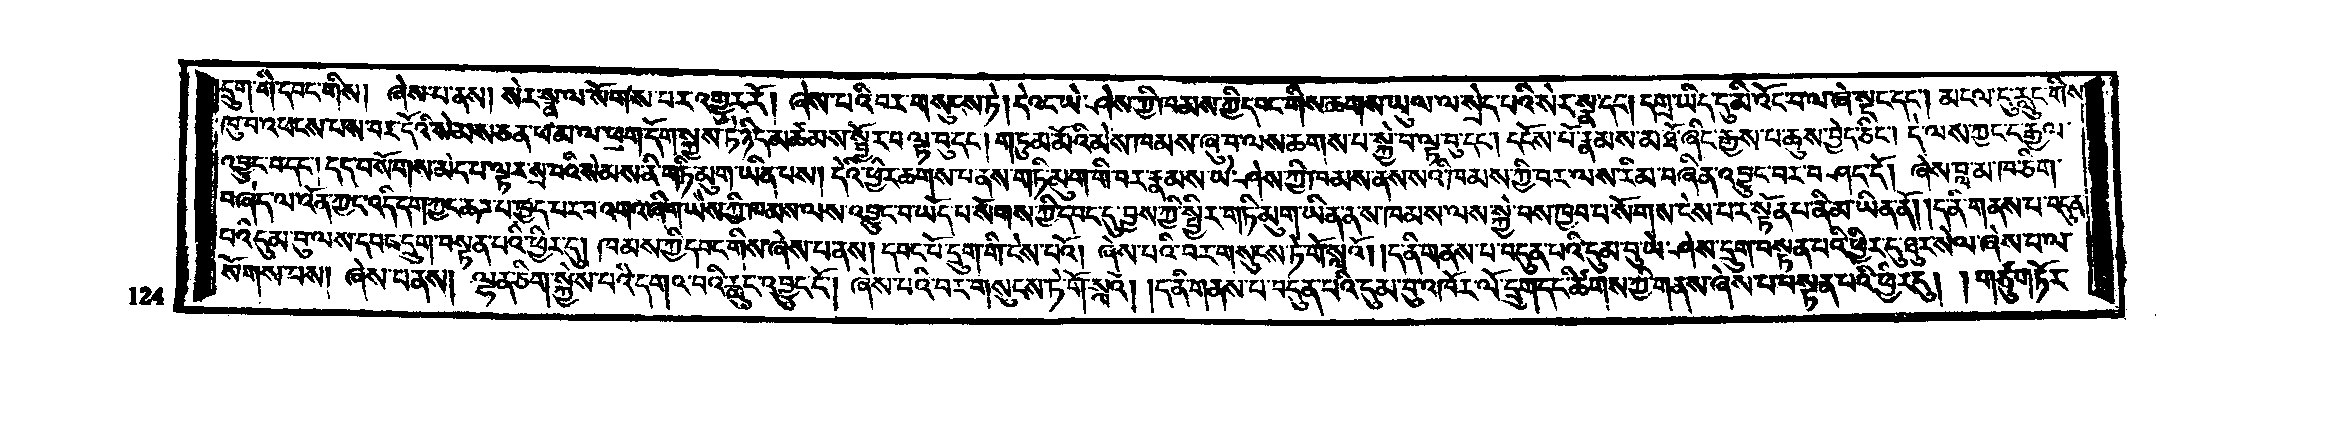དྲུག་གི་དབང་གིས། ཞེས་པ་ནས། སེར་སྣ་ལ་སོགས་པར་འགྱུར་རོ། ཞེས་པའི་བར་གསུངས་ཏེ། དེའང་ཡེ་ཤེས་ཀྱི་ཁམས་ཀྱི་དབང་གིས་ཆགས་ཡུལ་ལ་སྲེད་པའི་སེར་སྣ་དང་། དགྲ་ཡིད་དུ་མི་འོང་བ་ལ་ཞེ་སྡང་དང་། མངལ་དུ་རླུང་གིས་
ཁུ་བ་འཕངས་པས་བར་དོའི་སེམས་ཅན་ཕ་མ་ལ་ཕྲག་དོག་སྐྱེས་ཏེ་ཉིད་མཚམས་སྦྱོར་བ་ལྟ་བུ་དང་། གཏུམ་མོའི་མེས་ཁམས་ཞུ་བ་ལས་ཆགས་པ་སྐྱེ་བ་ལྟ་བུ་དང་། དངོས་པོ་རྣམས་མཐོ་ཞིང་རྒྱས་པ་ཆུས་བྱེད་ཅིང་། དེ་ལས་ཀྱང་ང་རྒྱལ་
འབྱུང་བ་དང་། དད་པ་སོགས་མེད་པ་ལྟར་སྲ་བའི་སེམས་ནི་གཏི་མུག་ཡིན་པས། དེའི་ཕྱིར་ཆགས་པ་ནས་གཏི་མུག་གི་བར་རྣམས་ཡེ་ཤེས་ཀྱི་ཁམས་ནས་སའི་ཁམས་ཀྱི་བར་ལས་རིམ་བཞིན་འབྱུང་བར་བཤད་དོ། ཞེས་བླ་མ་ཁ་ཅིག་
བཞེད་ལ་འོན་ཀྱང་འདི་དག་ཀྱང་ཆགས་པ་ཁྱད་པར་བ་འགའ་ཞིག་ཡིས་ཀྱི་ཁམས་ལས་འབྱུང་བ་ཡོད་པ་སོགས་ཀྱི་དབང་དུ་བྱས་ཀྱི་སྤྱིར་གཏི་མུག་ཡིན་ན་ས་ཁམས་ལས་སྐྱེ་བས་ཁྱབ་པ་སོགས་ངེས་པར་སྟོན་པ་ནི་མ་ཡིན་ནོ། །ད་ནི་གནས་པ་བདུན་
པའི་དུམ་བུ་ལས་དབང་དྲུག་བསྟན་པའི་ཕྱིར་དུ། ཁམས་ཀྱི་དབང་གིས་ཞེས་པ་ནས། དབང་པོ་དྲུག་གི་ངེས་པའོ། ཞེས་པའི་བར་གསུངས་ཏེ་གོ་སླའོ། །ད་ནི་གནས་པ་བདུན་པའི་དུམ་བུ་ཡེ་ཤེས་དྲུག་བསྟན་པའི་ཕྱིར་དུ་ཐུར་སེལ་ཞེས་པ་ལ་
སོགས་པས། ཞེས་པ་ནས། ལྷན་ཅིག་སྐྱེས་པའི་དགའ་བའི་རླུང་འབྱུང་ངོ། ཞེས་པའི་བར་གསུངས་ཏེ་གོ་སླའོ། །ད་ནི་གནས་པ་བདུན་པའི་དུམ་བུ་འཁོར་ལོ་དྲུག་དང་ཚིགས་ཀྱི་གནས་ཞེས་པ་བསྟན་པའི་ཕྱིར་དུ། །གཙུག་ཏོར་